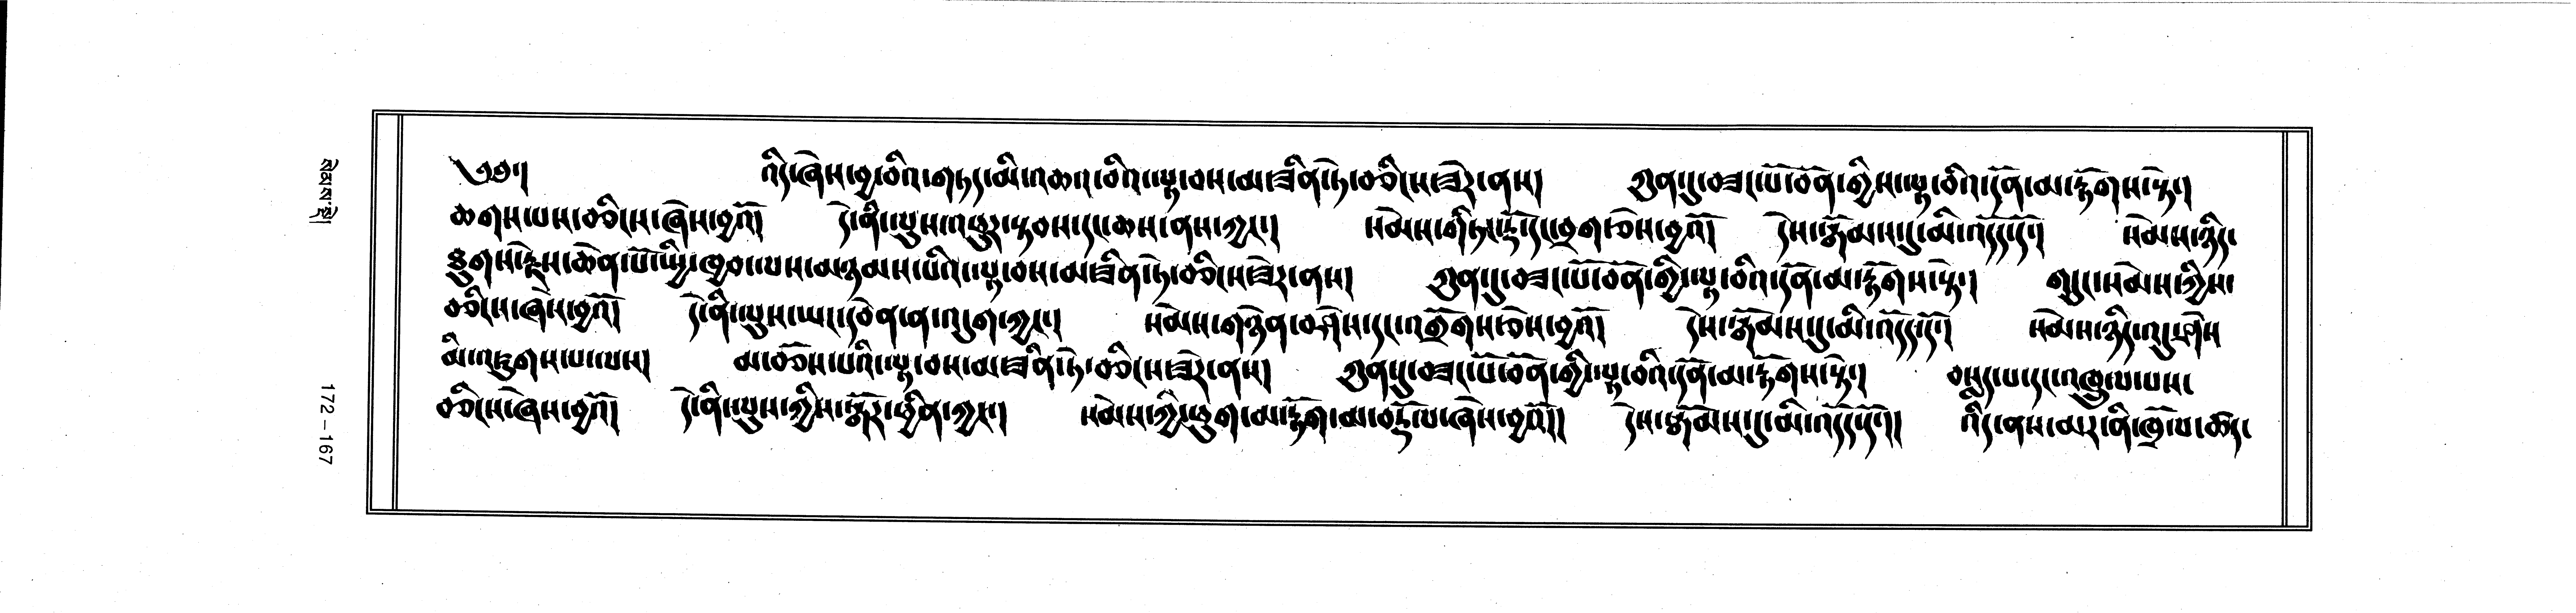འདི་ཞེས་བྱ་བའི་གཏད་མི་འཆའ་བའི་ལྟ་བས་མ་ཟིན་ཏེ་བཅིངས་ཟེར་ནས། ཀུན་ཏུ་བཟང་པོ་བོན་གྱིས་ལྟ་བའི་དོན་མ་རྟོགས་སྟེ། 
ཆགས་པས་བཅིངས་ཞེས་བྱའོ། དེ་ནི་ལུས་འཕུར་སྟབས་དང་ཆས་ནས་ཀྱང་། སེམས་གཏིང་རྡོ་དང་བྲག་ཅེས་བྱའོ། དེས་སྒོམས་དུ་མི་འདོད་དོ། སེམས་ཉིད་
ཐུགས་རྗེས་ཆེན་པོ་སྤྱི་ཁྱབ་ལས་མཉམས་པའི་ལྟ་བས་མ་ཟིན་ཏེ་བཅིངས་ཟེར་ནས། ཀུན་ཏུ་བཟང་པོ་བོན་གྱི་ལྟ་བའི་དོན་མ་རྟོགས་སྟེ། གདུང་སེམས་ཀྱིས་
བཅིངས་ཞེས་བྱའོ། དེ་ནི་ལུས་ཡང་དབེན་ན་འདུག་ཀྱང་། སེམས་གཉེན་བཤེས་དང་འགྲོགས་ཅེས་བྱའོ། དེས་སྒོམས་དུ་མི་འདོད་དོ། སེམས་ཉིད་འདུ་ཤེས་
མི་འཇུགས་པ་ལས། མ་བཅོས་པའི་ལྟ་བས་མ་ཟིན་ཏེ་བཅིངས་ཟེར་ནས། ཀུན་ཏུ་བཟང་པོ་བོན་གྱི་ལྟ་བའི་དོན་མ་རྟོགས་སྟེ། བསླད་པ་དང་འཁྲུལ་པས་
བཅིངས་ཞེས་བྱའོ། དེ་ནི་ལུས་ཀྱིས་སྒོར་ཕྱིན་ཀྱང་། སེམས་ཀྱི་ཕུག་མ་རྟོག་མ་བརྡོལ་ཞེས་བྱའོ། དེས་སྒོམས་དུ་མི་འདོད་དོ། འདི་ནས་མར་ནི་ཁྲོལ་ཚད་